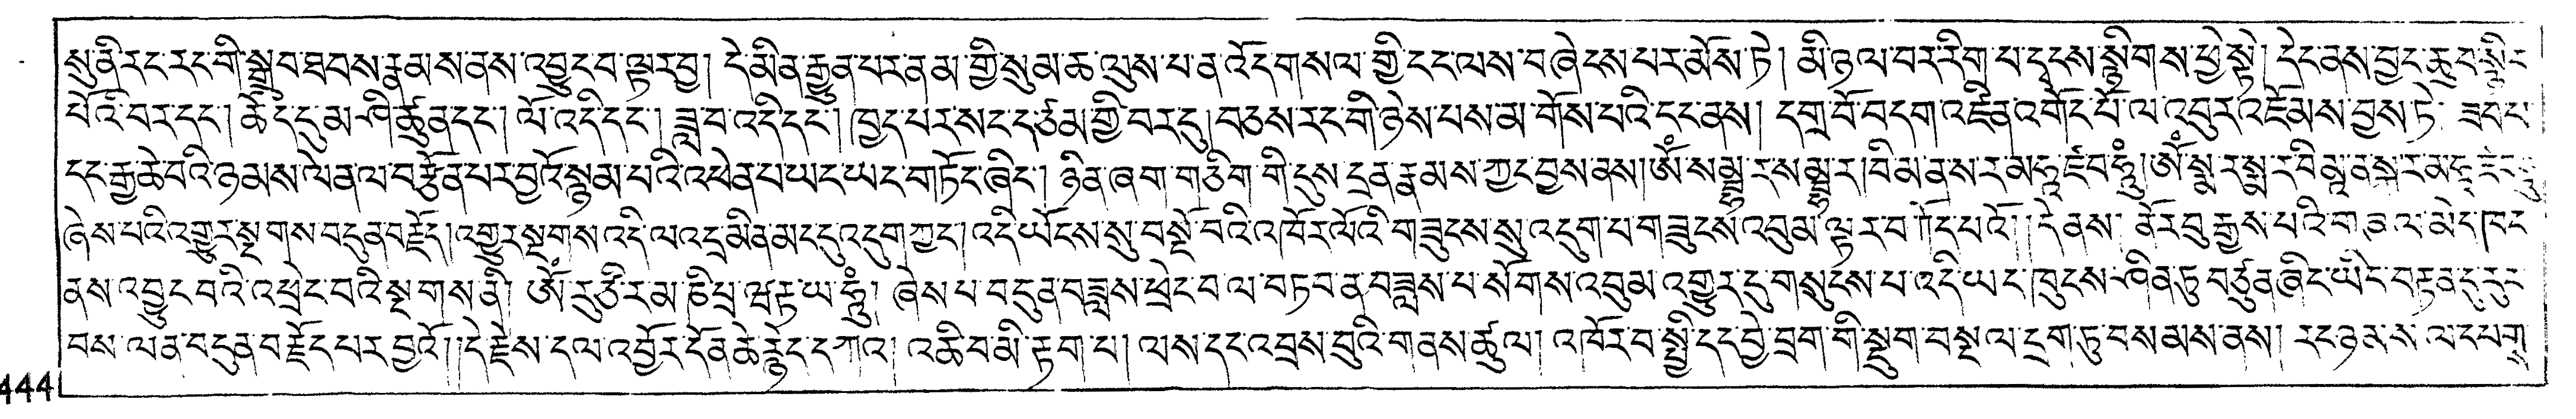སུ་ནི་རང་རང་གི་སྒྲུབ་ཐབས་རྣམས་ནས་འབྱུང་བ་ལྟར་བྱ། དེ་མིན་རྒྱུན་པར་ནམ་གྱི་སུམ་ཆ་ལུས་པ་ན་འོད་གསལ་གྱི་ངང་ལས་བཞེངས་པར་མོས་ཏེ། མི་ཉལ་བར་རིག་པ་དྭངས་སྙིགས་ཕྱེ་སྟེ། དེང་ནས་བྱང་ཆུབ་སྙིང་
པོའི་བར་དང་། ཆེད་དུ་མ་ཤི་ཚུན་དང་། ལོ་འདི་དང་། ཟླ་བ་འདི་དང་། ཁྱད་པར་སང་ད་ཙམ་གྱི་བར་དུ། བཅས་རང་གི་ཉེས་པས་མ་གོས་པའི་ངང་ནས། དགྲ་བོ་བདག་འཛིན་འགོང་པོ་ལ་འབུར་འཇོམས་བྱས་ཏེ། ཟབ་པ་
དང་རྒྱ་ཆེ་བའི་ཉམས་ལེན་ལ་བརྩོན་པར་བྱའོ་སྙམ་པའི་འཕེན་པ་ཡང་ཡང་གཏོང་ཞིང་། ཉིན་ཞག་གཅིག་གི་དུས་དྲན་རྣམས་ཀྱང་བྱས་ནས། ཨོཾ་སམྦྷ་ར་སམྦྷ་ར། བི་མ་ན་ས་ར་མཧཱ་ཛ་བ་ཧཱུཾ། ཨོཾ་སྨ་ར་སྨ་ར་བི་མཱ་ན་སྐ་ར་མཧཱ་ཛ་བ་ཧཱུཾ་
ཞེས་པའི་འགྱུར་སྔགས་བདུན་བརྗོད། འགྱུར་སྔགས་འདི་ལ་འདྲ་མིན་མང་དུ་འདུག་ཀྱང་། འདི་ཡོངས་སུ་བསྔོ་བའི་འཁོར་ལོའི་གཟུངས་སུ་འདུག་པ་གཟུངས་འབུམ་ལྟར་བཀོད་པའོ། །དེ་ནས། ནོར་བུ་རྒྱས་པའི་གཞལ་མེད་ཁང་
ནས་འབྱུང་བའི་འཕྲེང་བའི་སྔགས་ནི། ཨོཾ་རུ་ཙི་ར་མ་ཎི་པྲ་ཝརྟ་ཡ་ཧཱུཾ། ཞེས་པ་བདུན་བཟླས་ཕྲེང་བ་ལ་བཏབ་ན་བཟླས་པ་སོགས་འབུམ་འགྱུར་དུ་གསུངས་པ་འདི་ཡང་ཁུངས་ཤིན་ཏུ་བཙུན་ཞིང་ཡིད་བརྟན་དུ་རུང་
བས་ལན་བདུན་བརྗོད་པར་བྱའོ། །དེ་རྗེས་དལ་འབྱོར་དོན་ཆེ་རྙེད་དཀའ། འཆི་བ་མི་རྟག་པ། ལས་དང་འབྲས་བུའི་གནས་ཚུལ། འཁོར་བ་སྤྱི་དང་བྱེ་བྲག་གི་སྡུག་བསྔལ་དྲག་ཏུ་བསམས་ནས། རང་ཉམས་ལ་དཔགས་